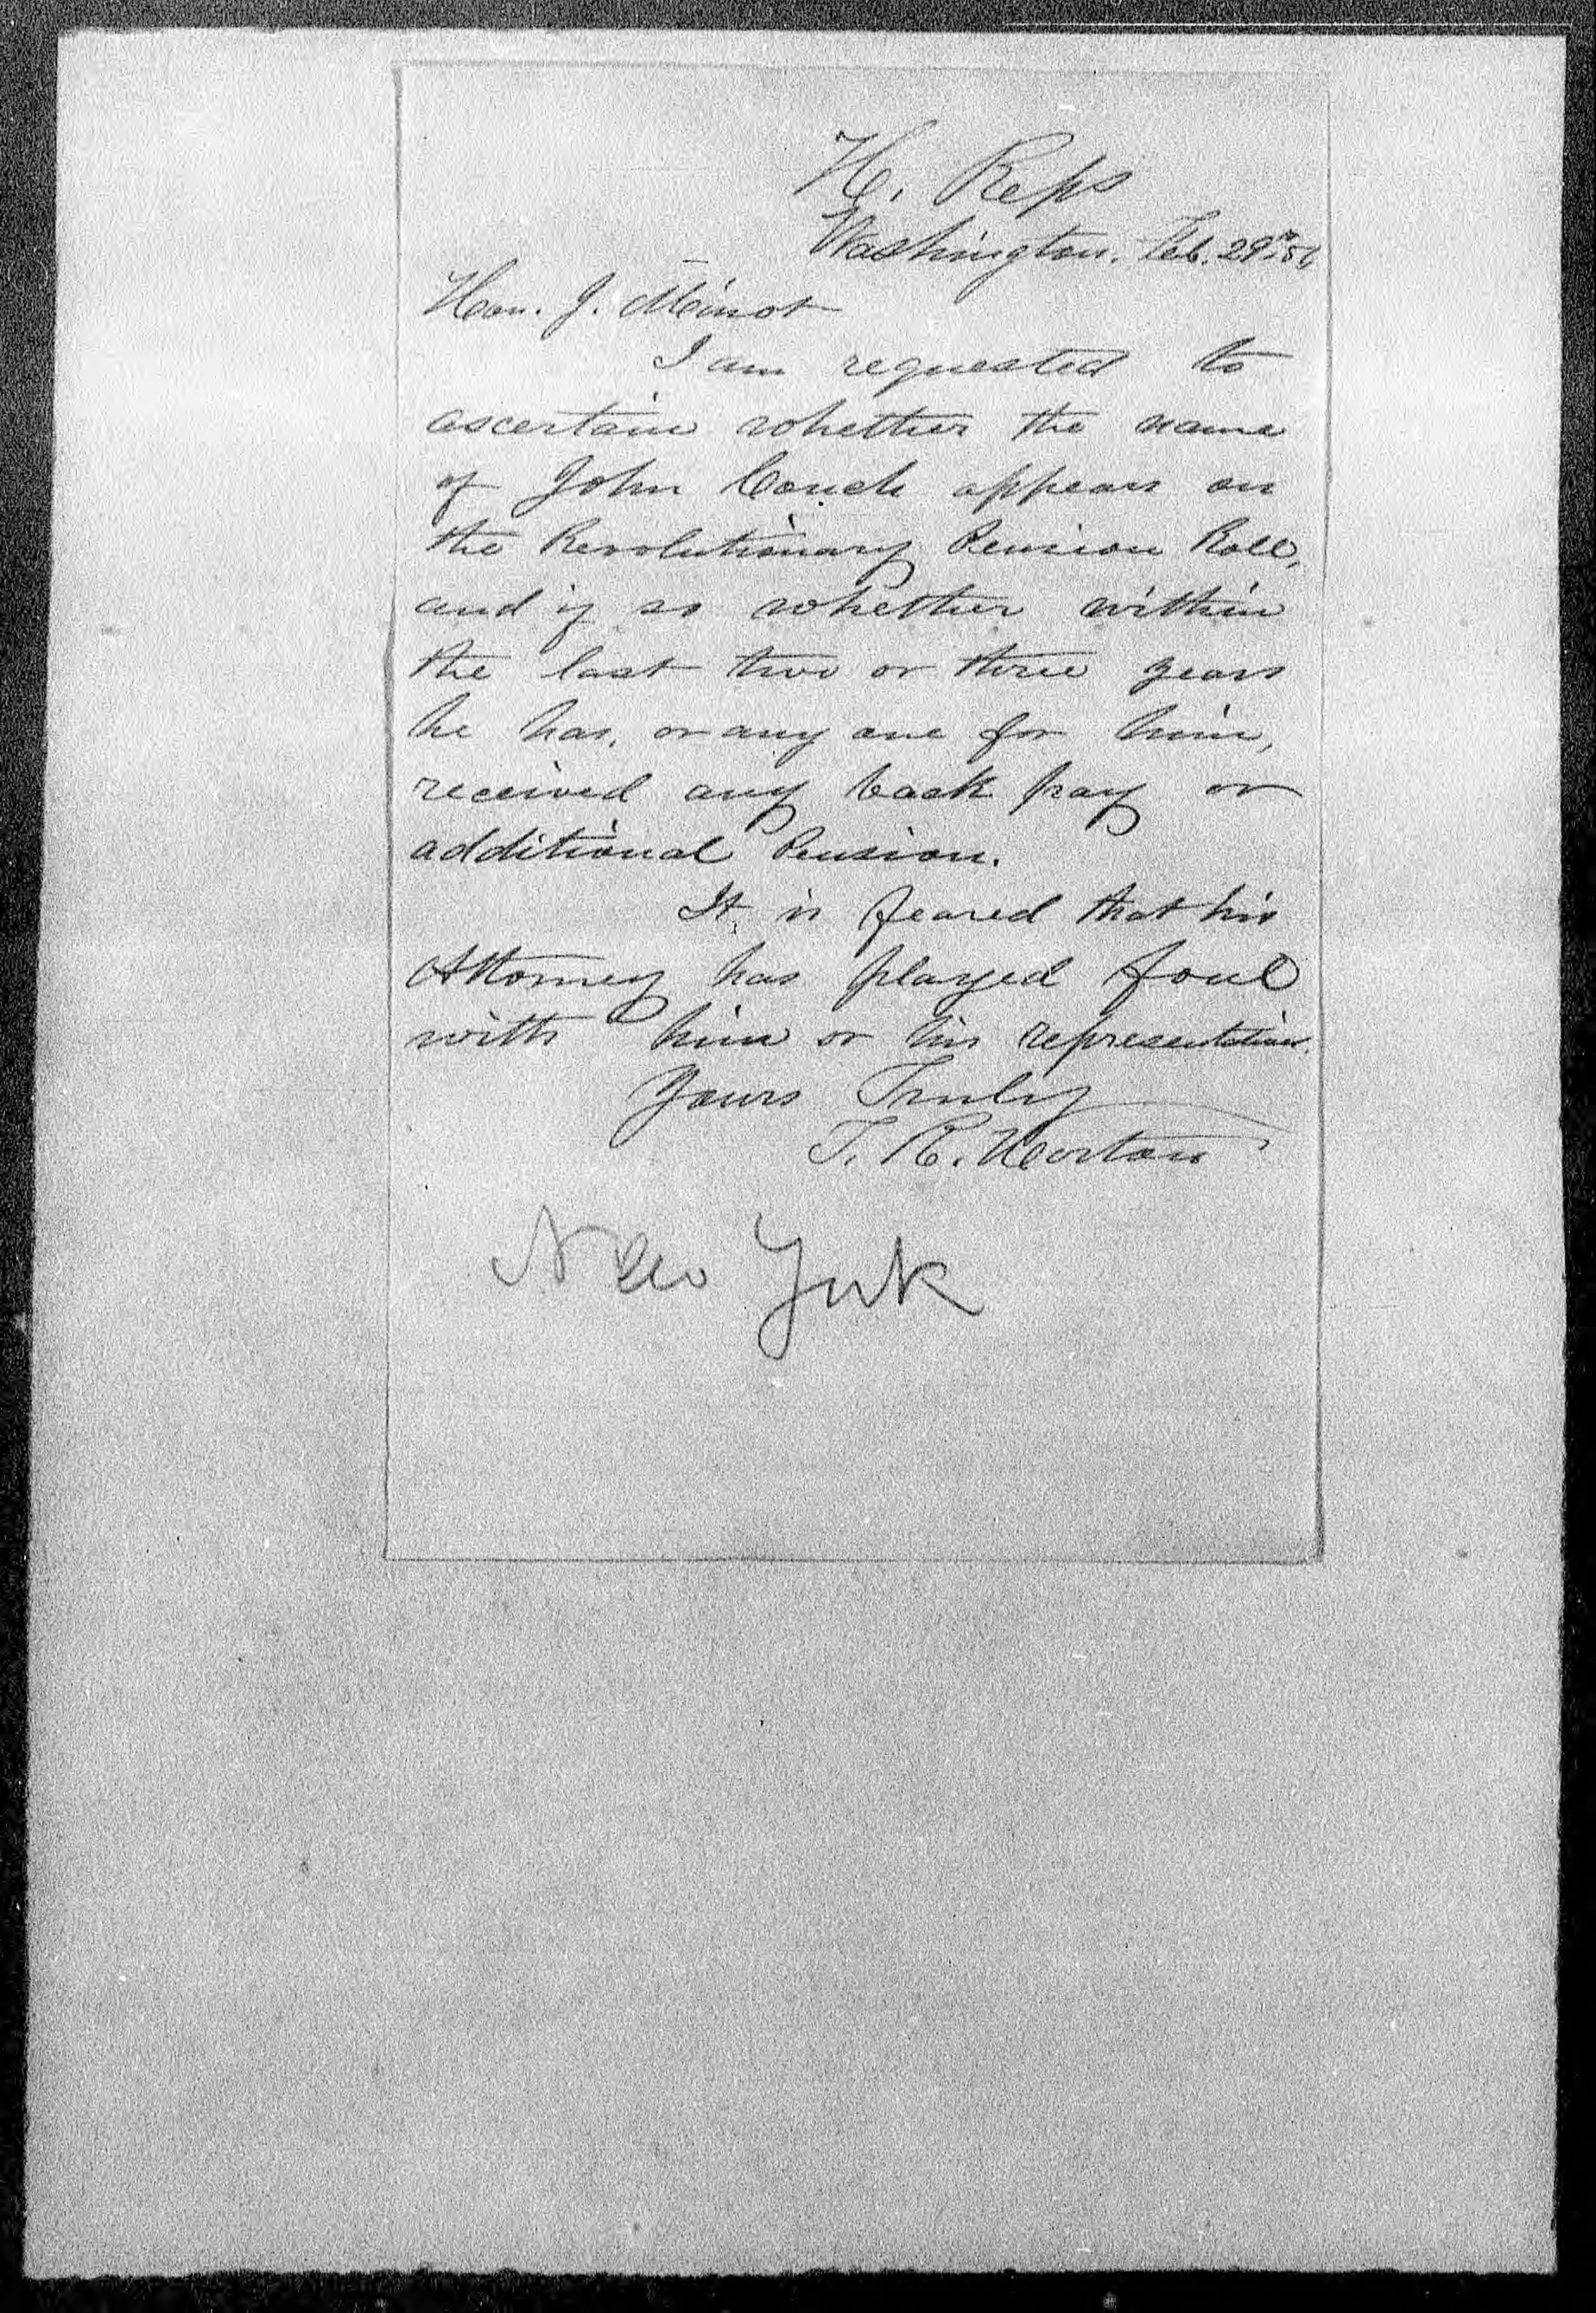H. Reps
Washington Feb 29th '56
Hon. J. Minot
I am requested to ascertain whether the name of John Couch appears on the Revolutionary Pension Roll, and of so whether within the last two or three years he has or any one for him, received any back pay or additional pension.
It is feared that his attorney has played foul with him or his representatives.
Yours truly
T. R. Horton

New York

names: T R Horton, John Couch, J Minot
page: 31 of 68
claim: rejected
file: R. 2,360, John Couch, Conn.